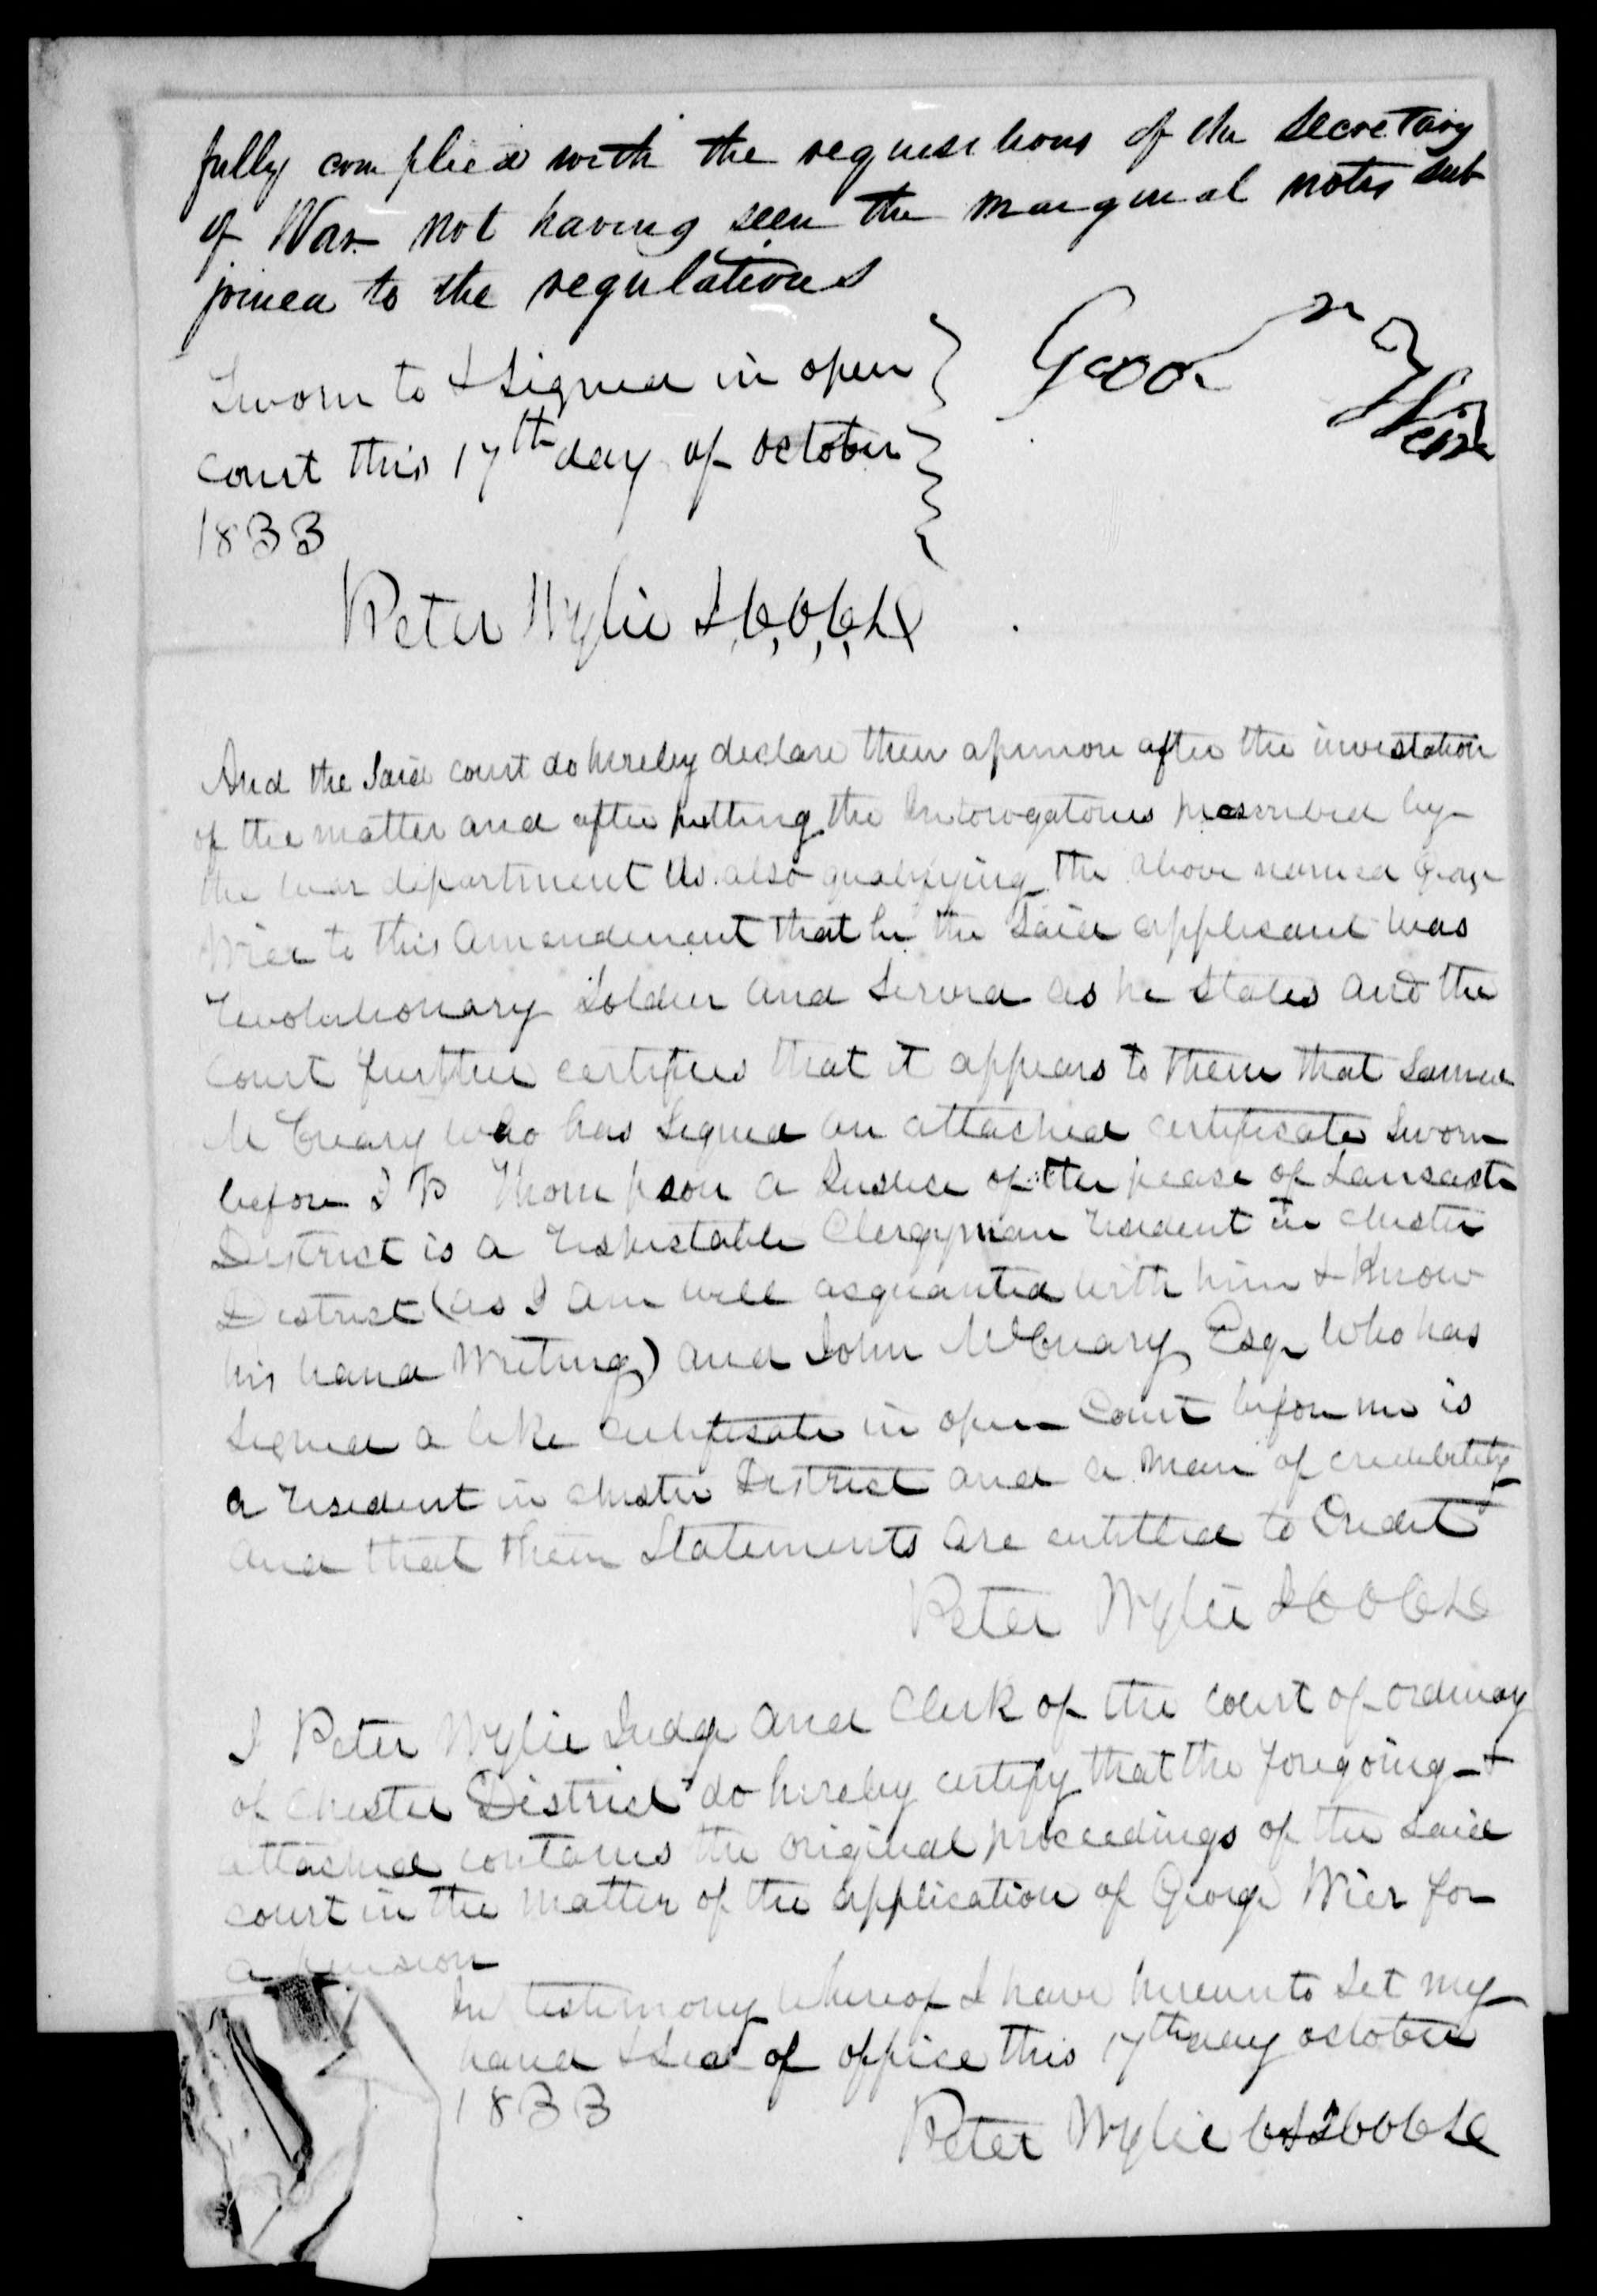fully complied with the requisitions of the Secretary of War not having seen the marginal notes
subjoined to the regulations
[signed] George Wier 

Sworn to & signed in open Court this 17th day of October 1833
Peter Wylie J.C.O.C.C.

And the said Court do hereby declare their opinion after the investigation of the matter and after putting the interrogatories prescribed by the war department us also qualifying the above named George Wier to this amendment that he the said applicant was a Revolutionary soldier and served as he states and the Court further certifies that it appears to them that Samuel McCreary who has signed an attached certificate Sworn before Jno Thompson a Justice of the peace of Lancaster
District is a respectable clergyman resident in Chester District (as I am well acquainted with him & know his hand writing) and John McCreary Esqr who has signed a like certificate in open Court before me is a resident in Chester District and a man of credit and that their statements are entitled to credit
Peter Wylie J C O C C

I Peter Wylie Judge and Clerk of the Court of Ordinary of Chester District do hereby certify that the foregoing attached contains the original proceedings of the said Court in the matter of the application of George Wier for a pension

In testimony whereof I have hereunto set my hand & seal of office this 17th day October 1833
Peter Wylie J C O C C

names: Peter Wylie, J P Thompson, George Wier, John Mc Creary, Samuel Mc Creary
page: 10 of 22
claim: survivor's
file: S. 9528, George Weir, S.C.